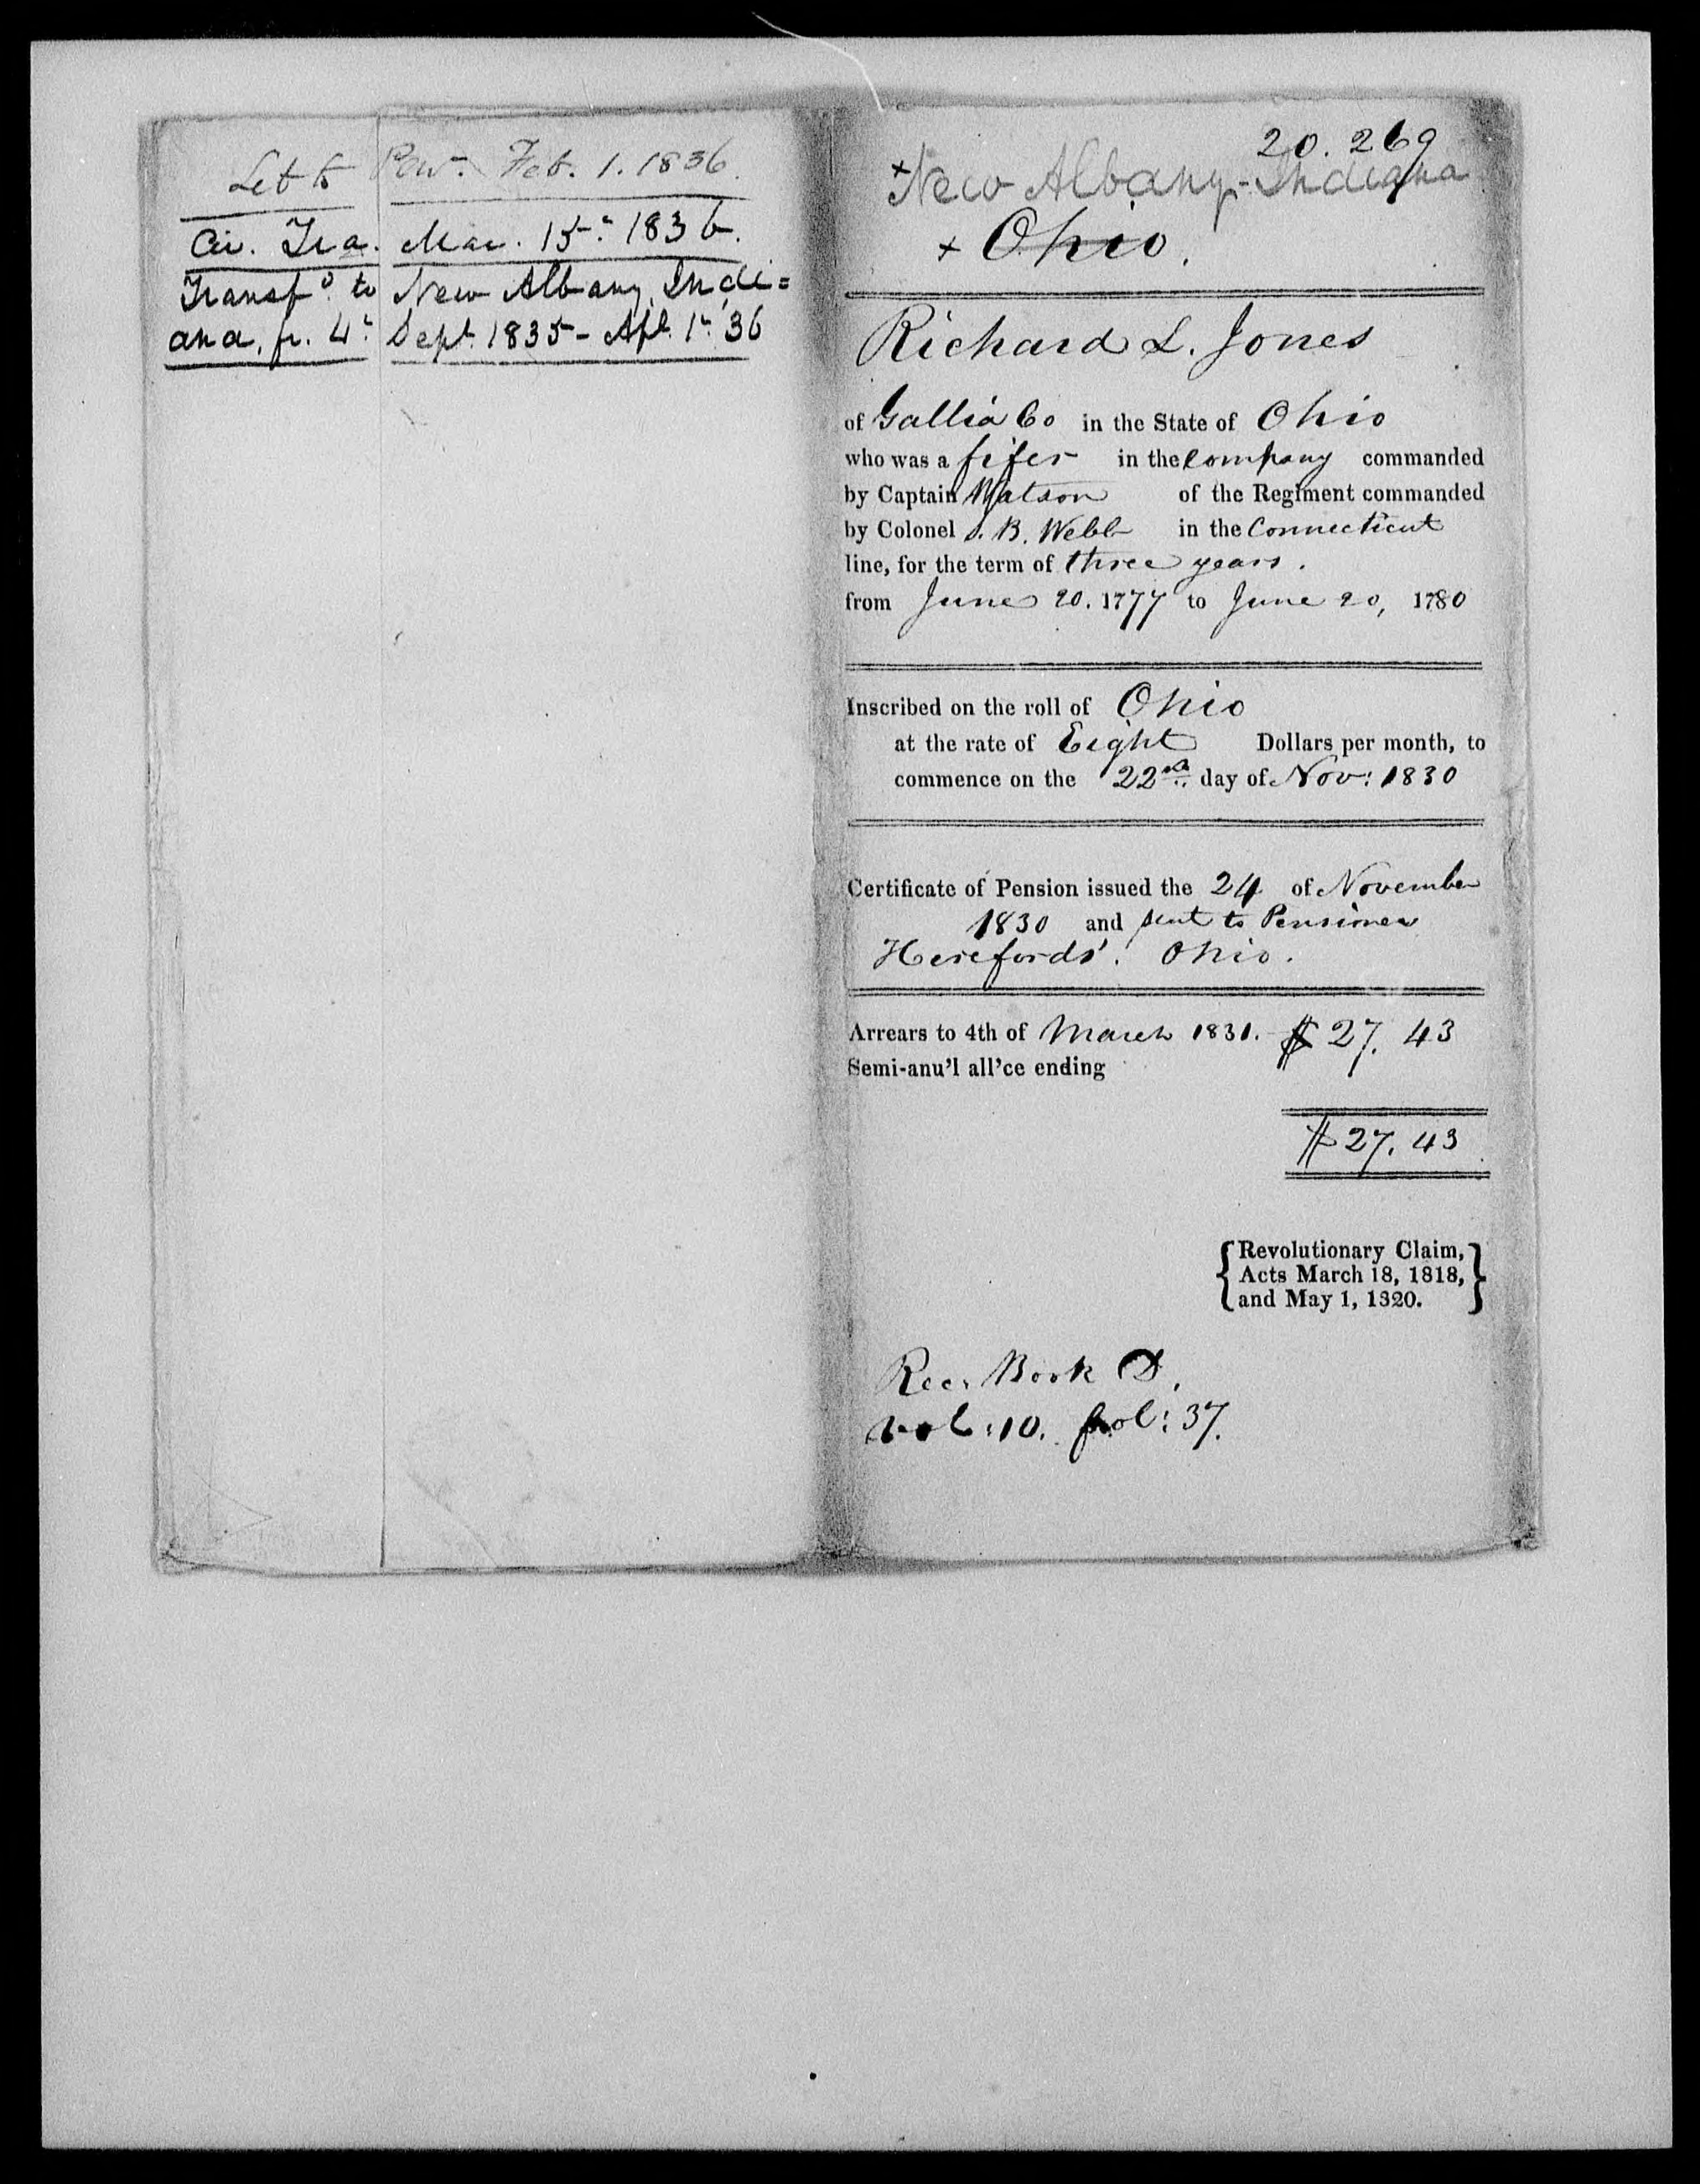Let to Pew. Feb 1. 1836
Cir. Tra. Mar. 15th 1836
Transfd to New Albany Indiana
fr.  4th Sept 1835 - Apl 1st '36
No
20.269
x New Albany Indiana
x Ohio
Richard L. Jones
of Gallia Co in the State of Ohio
who was a fifer in the company commanded
by Captain Watson
of the Regiment commanded
by Colonel S. B. Webb in the Connecticut
line, for the term of three years
from June 20, 1777 to June 20, 1780
Inscribed on the roll of Ohio
at the rate of Eight Dollars per month, to
commence on the 22nd day of Nov 1830
Certificate of Pension issued the 24 of November 
1830 and sent to Pensioner
Herefords. Ohio.
Arrears to 4th of March 1831 $27.43
Semi-anu'l all'ce ending
$27.43
Revolutionary Claim,
Acts March 18, 1818,
and May 1, 1820.
Rec. Book D
Vols: 10  pol: 37.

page: 2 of 62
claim: widow's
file: W. 765, for Richard L Jones, Connecticut